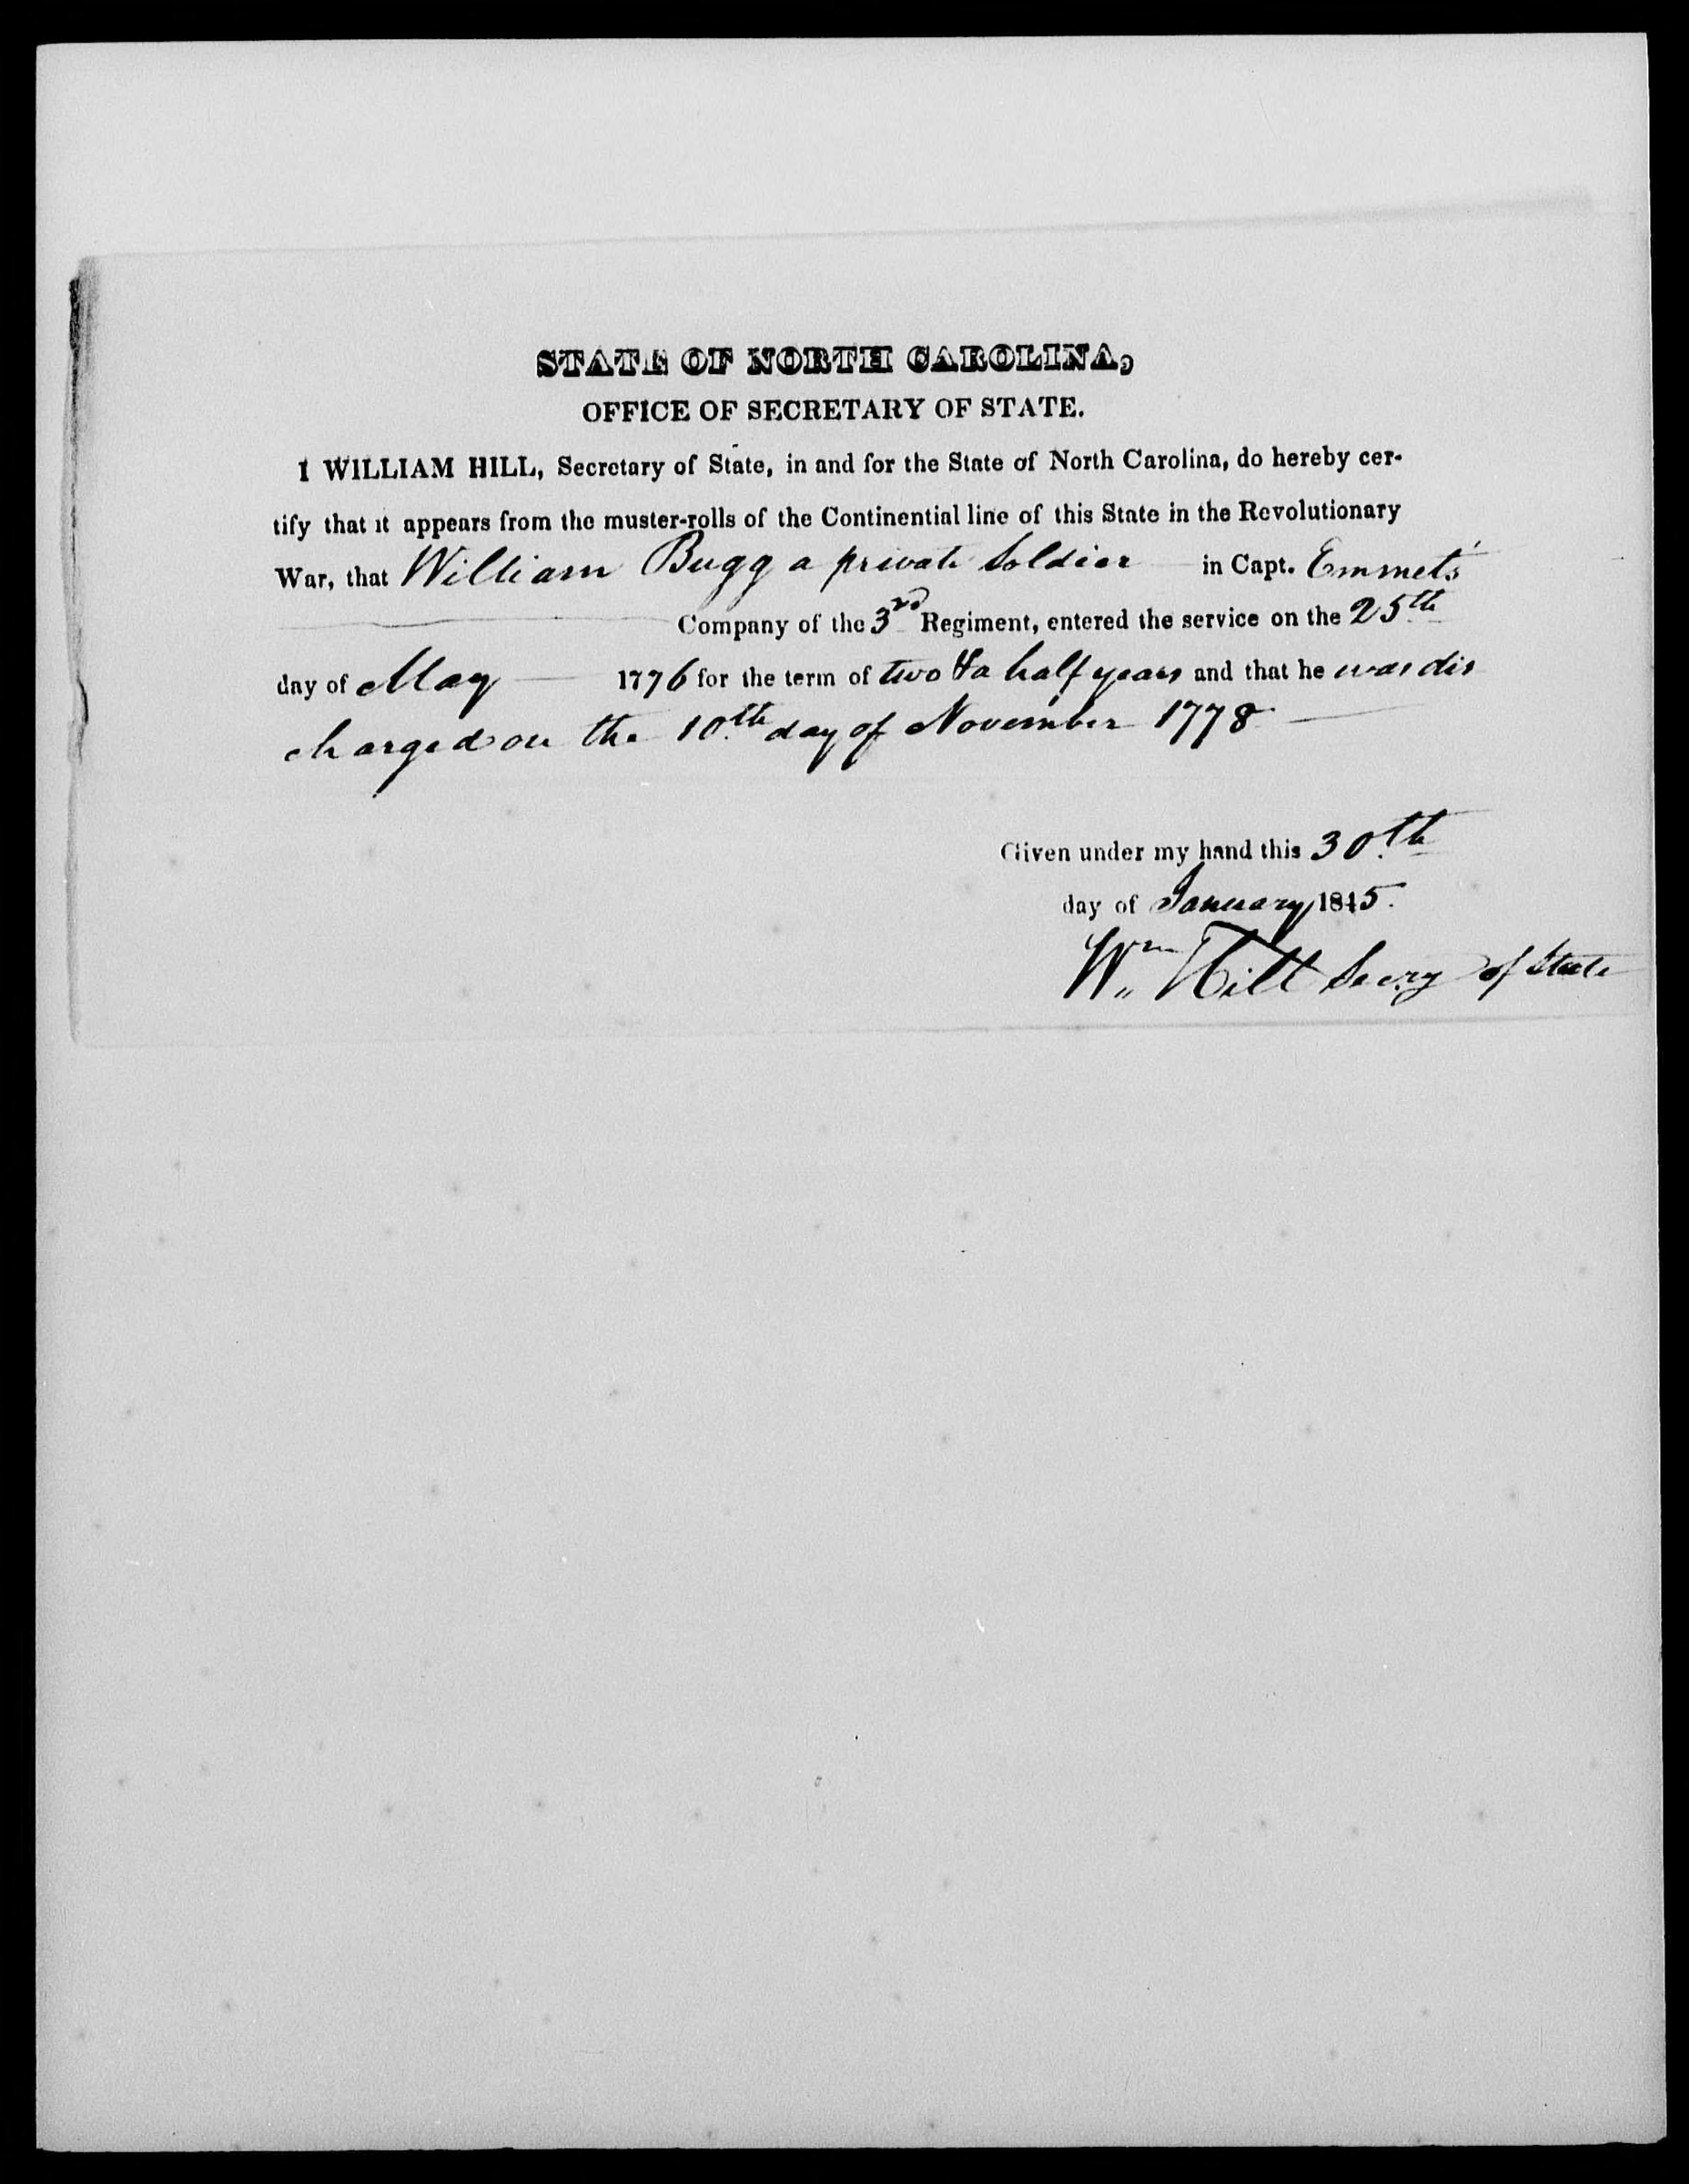STATE OF NORTH CAROLINA,
OFFICE OF SECRETARY OF STATE.

I WILLIAM HILL, Secretary of State, in and for the State of North Carolina, do hereby certify that it appears from the muster-rolls of the Continental line of this State in the Revolutionary War, that William Bugg a private Soldier in Capt. Emmet's Company of the 3rd Regiment, entered the service on the 25th day of May 1776 for the term of two & a half years and that he was discharged on the 10.th day of November 1778-

Given under my hand this 30.th day of January 1845. 
Wm Hill Secry of State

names: Wm Hill, William Bugg, William Hill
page: 25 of 50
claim: widow's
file: W. 898, William Bugg, N.C.